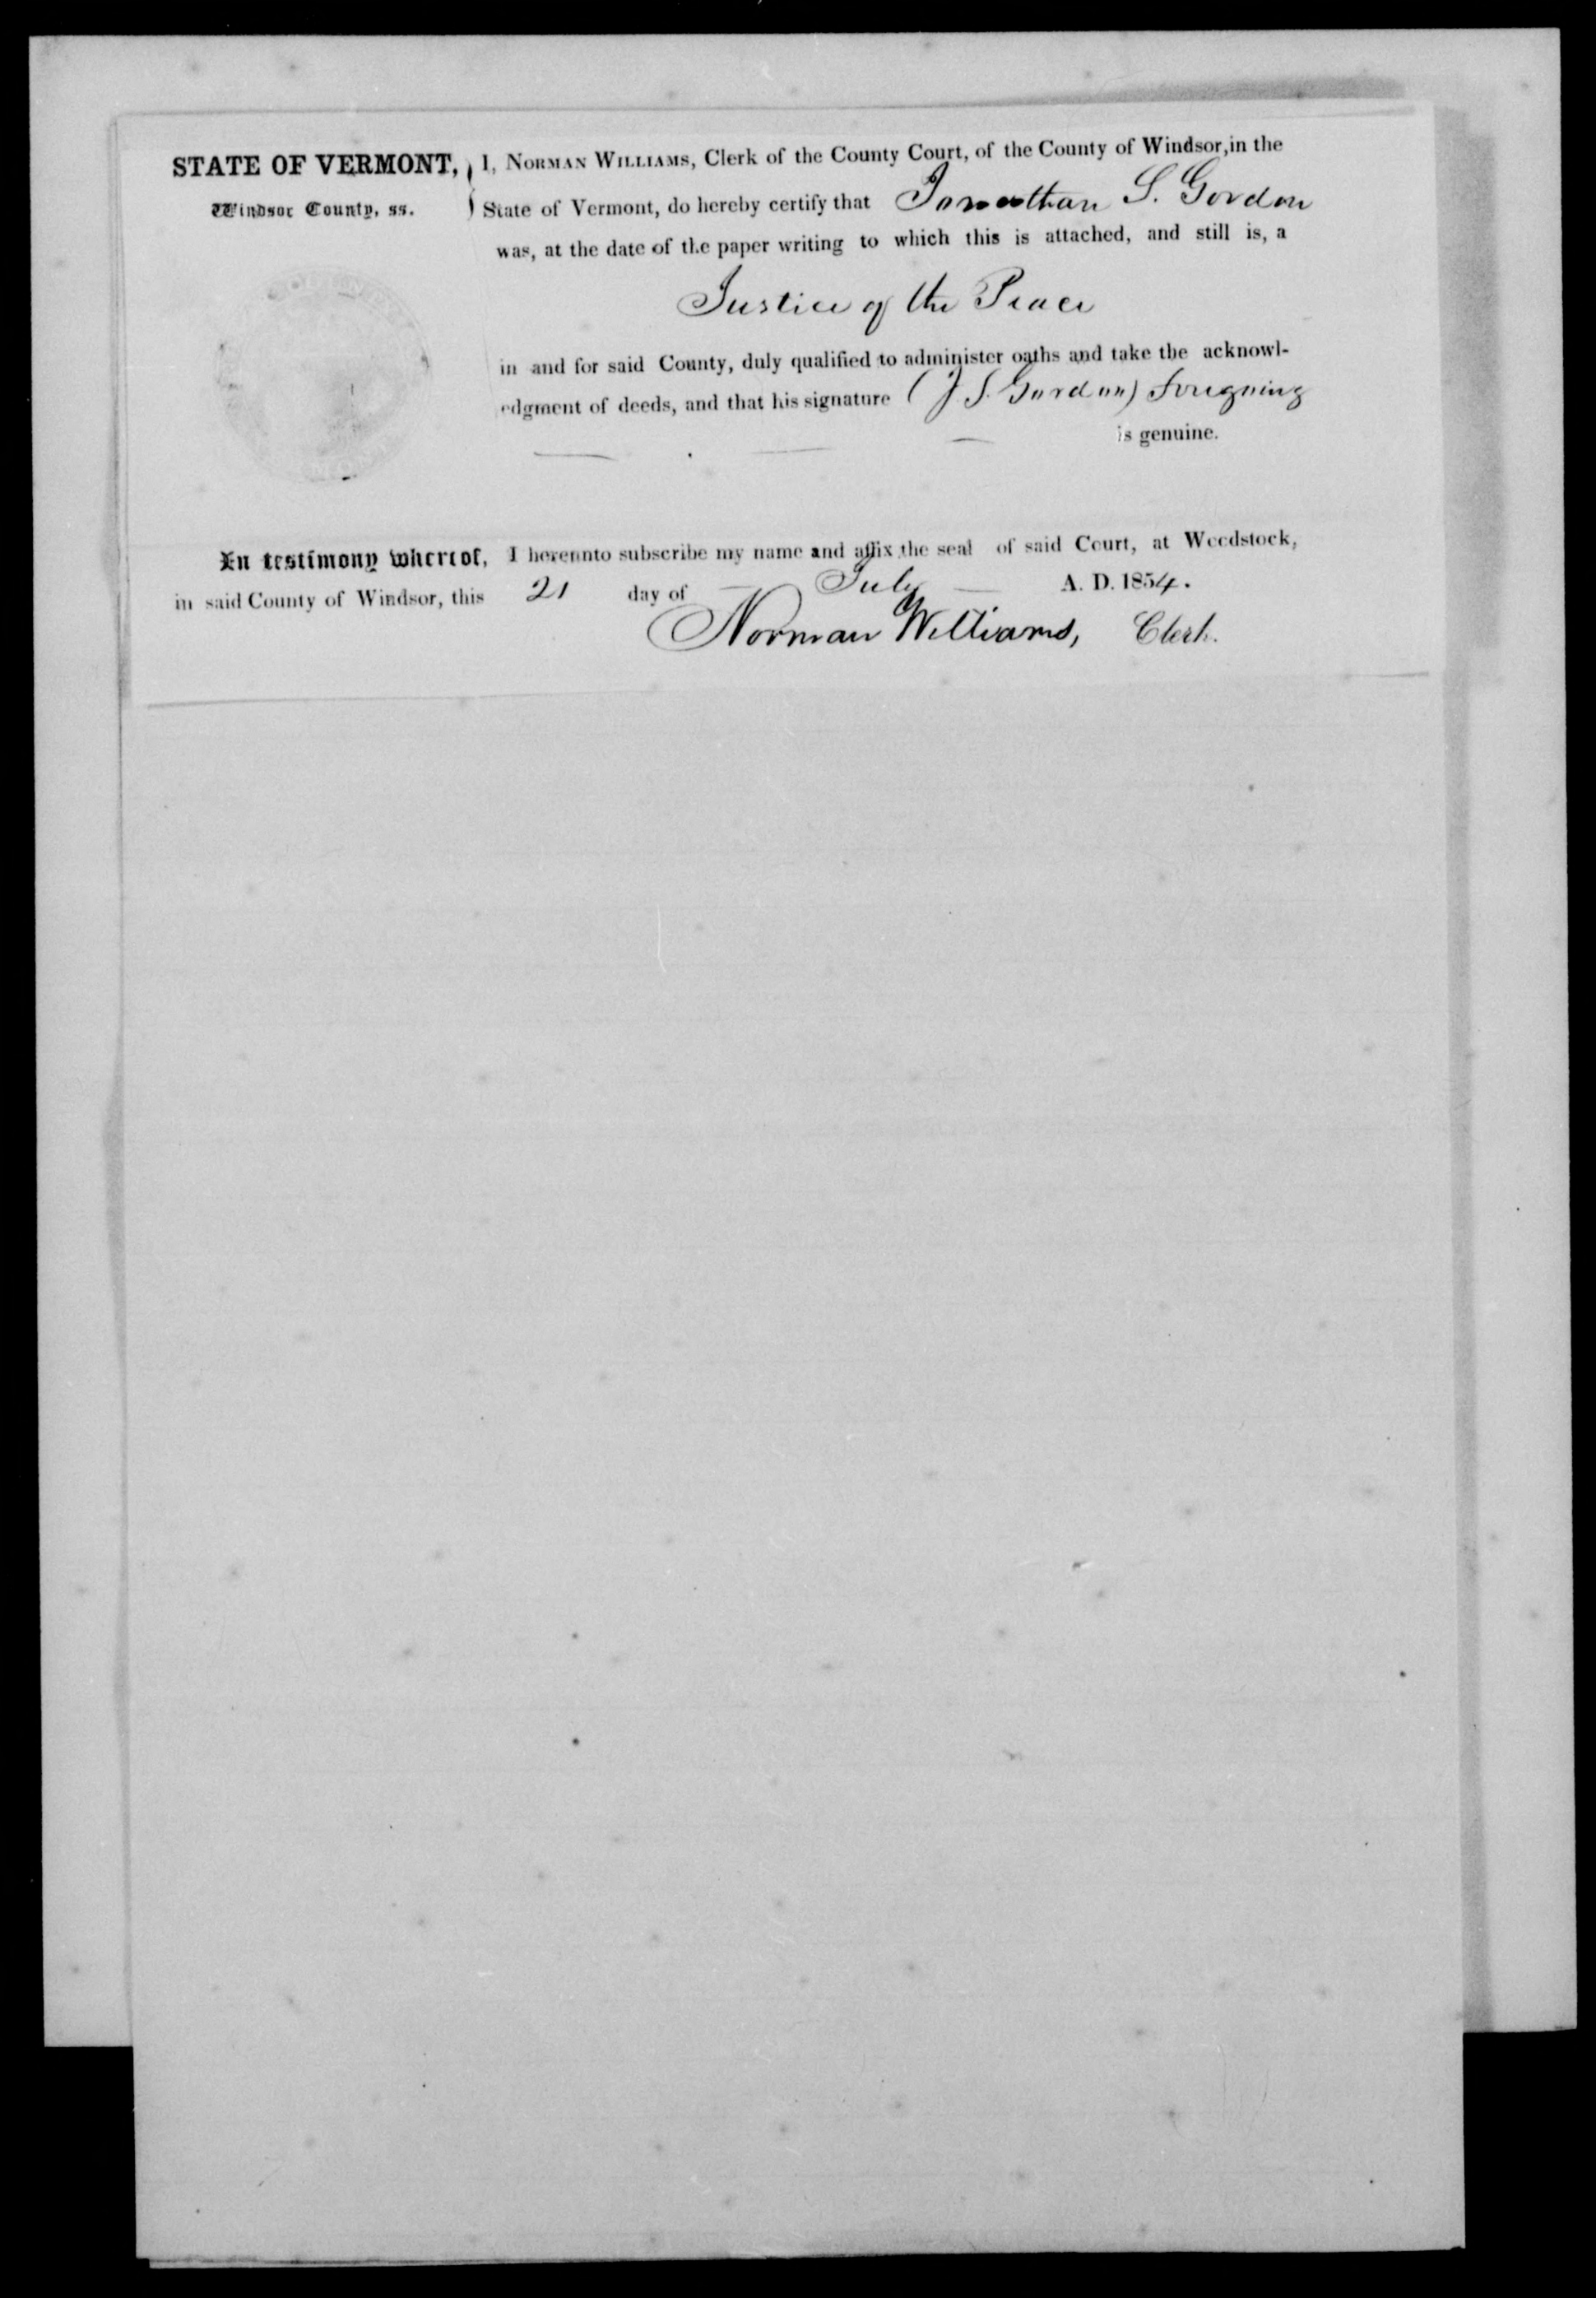STATE OF VERMONT.
Windsor County, ss.
I, NORMAN WAS, Clerk of the County Court of the County of Windsor, in the
State of Vermont, do hereby certify that Jonathan S. Gordon
was, at the date of the paper writing to which this is attached, and still is, a
Justice of the Peace
in and for said County, duly qualified to administer oaths and take the acknowledgment
of deeds, and that his signature ( J S Gordon ) Forgoring
is genuine.
In testimony whereof, I hereunto subscribe my name and affix the seal of said Court, at Woodstock,
in said County of Windsor, this 2 day of July
A. D. 1854.
Norman Williams, Clerk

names: Jonathan S Gordon; J S Gordon; Norman Williams; Norman Williams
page: 16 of 65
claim: widow's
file: W. 7197, for Jonathan Spear, Vermont